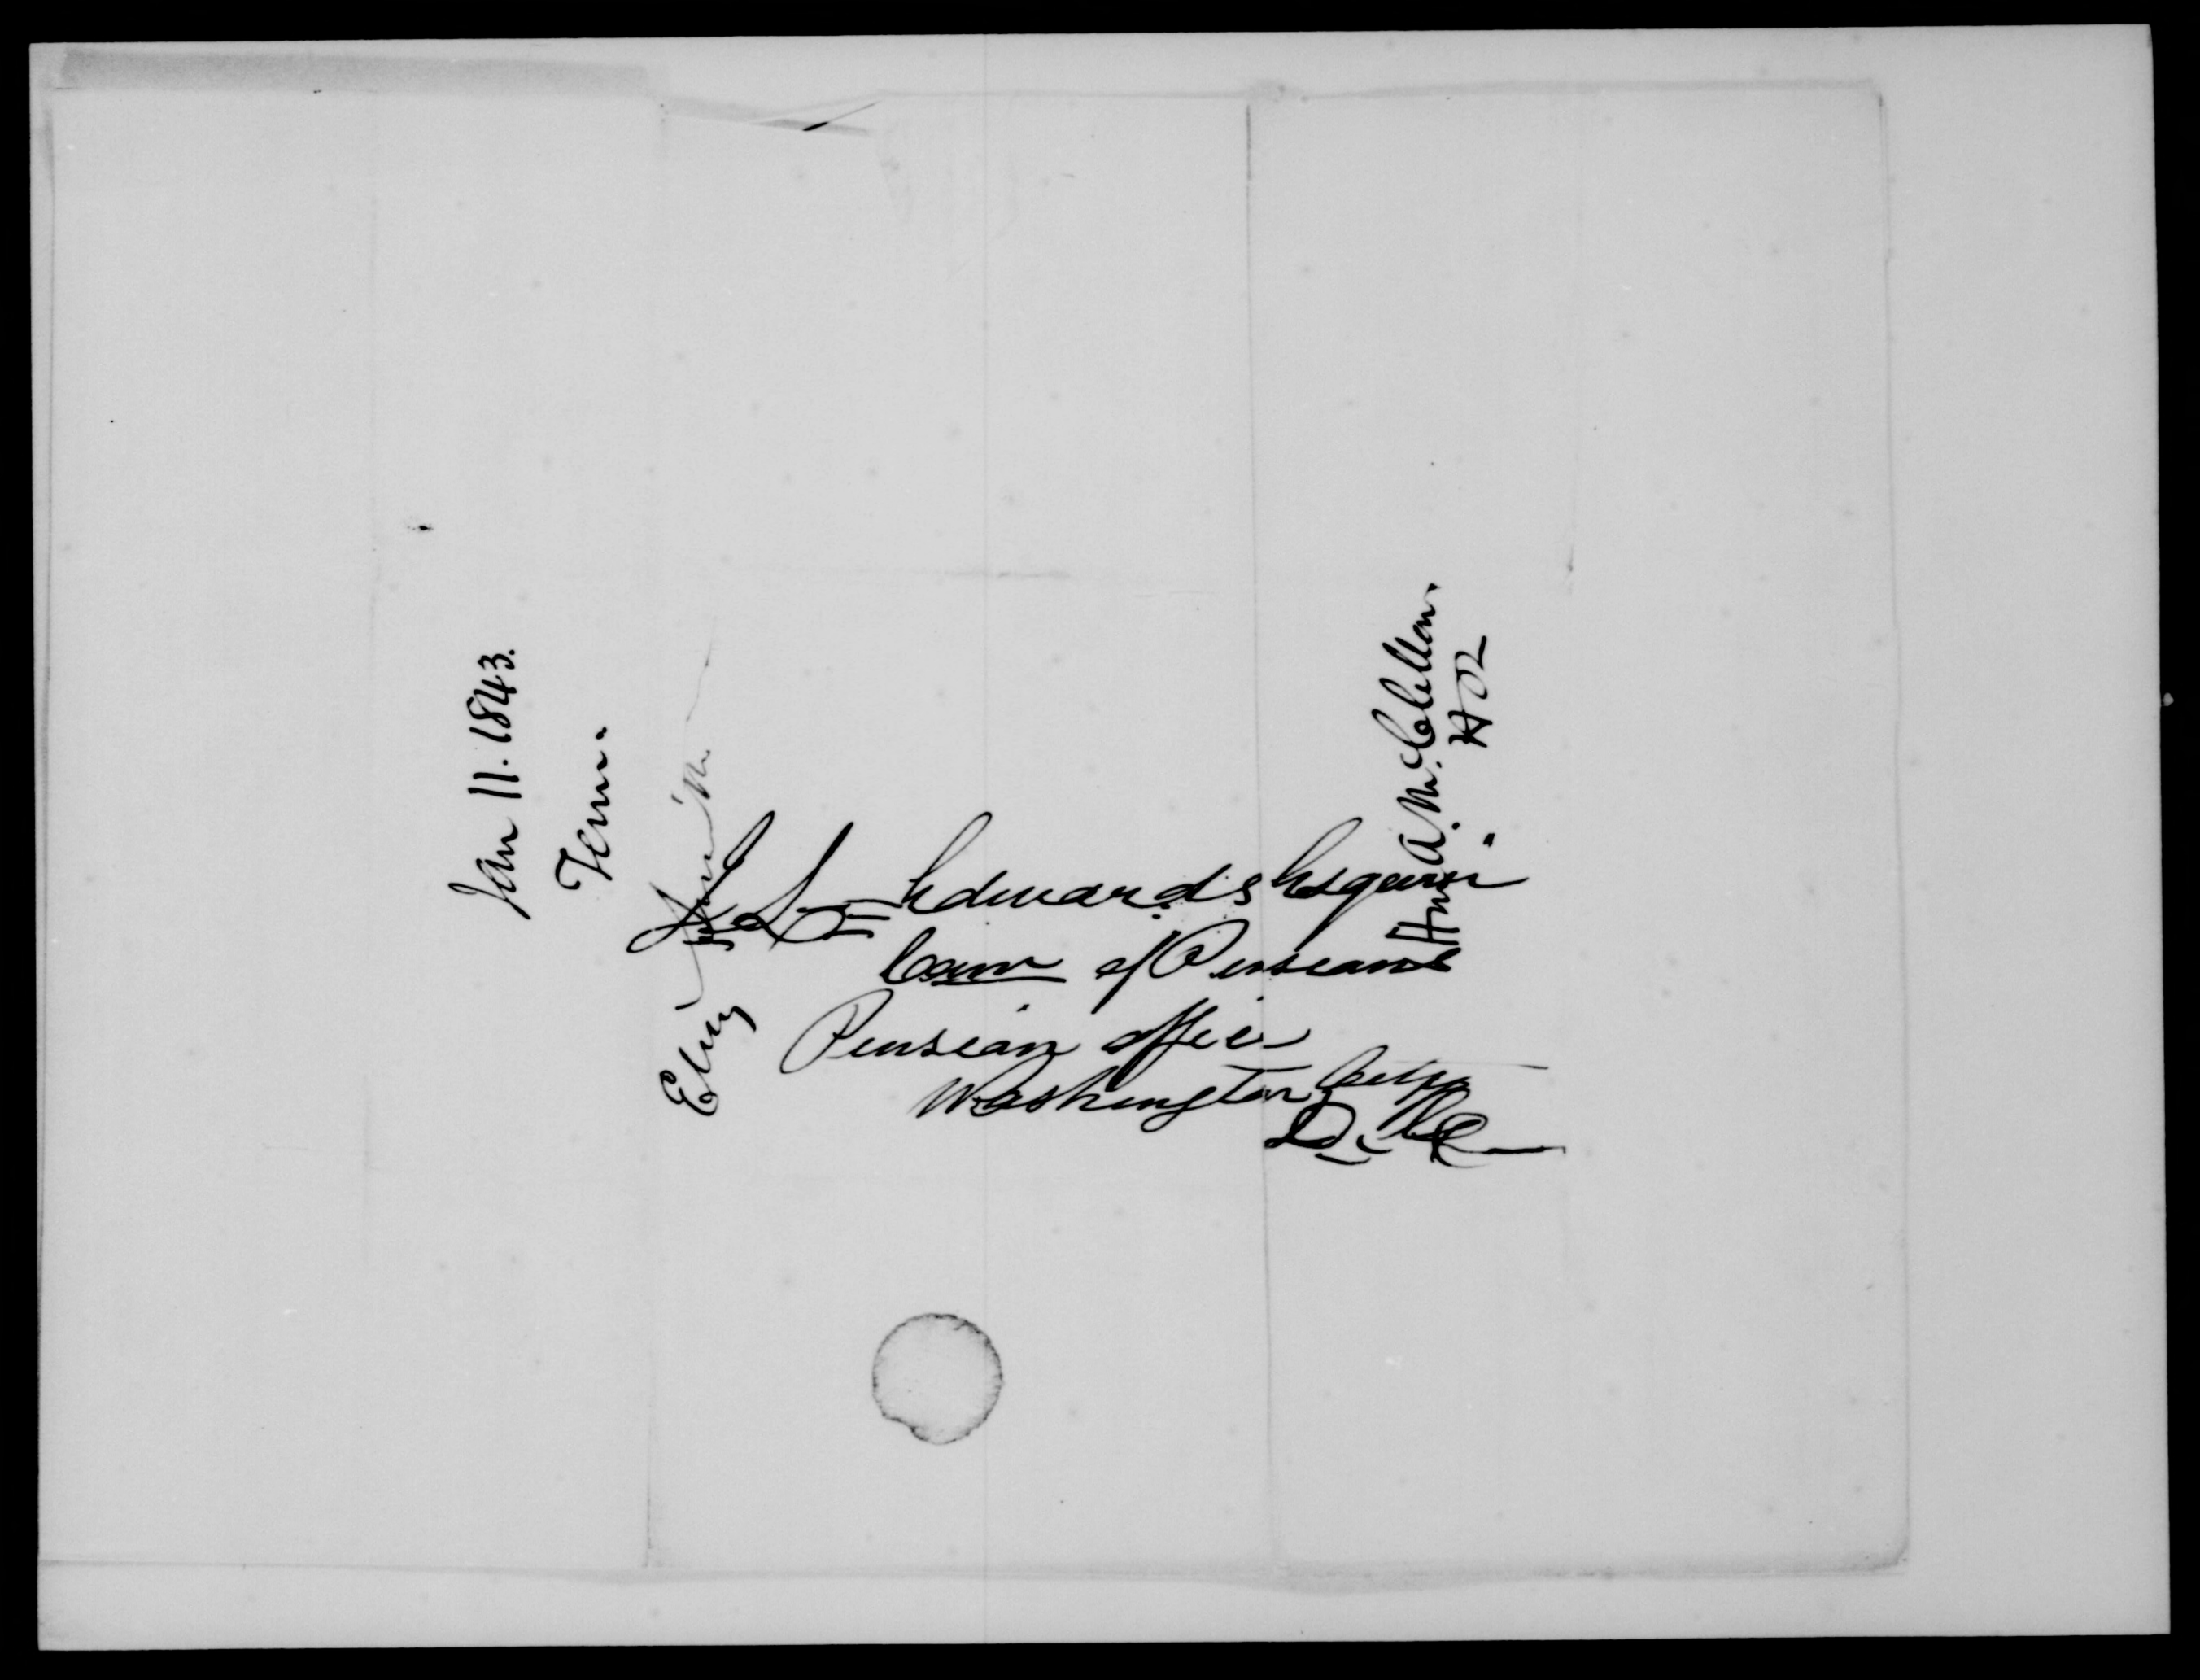Jan 11. 1843.
Tenn

Eliz Smith 

J L Edwards Esquire
Comm of Pensions
Pension Office
Washington City
D C

Hon A Mc Clellan
H R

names: J L Edwards; Eliz Smith; A Mc Clellan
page: 61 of 79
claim: widow's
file: W. 1504, for Robert Smith, North Carolina